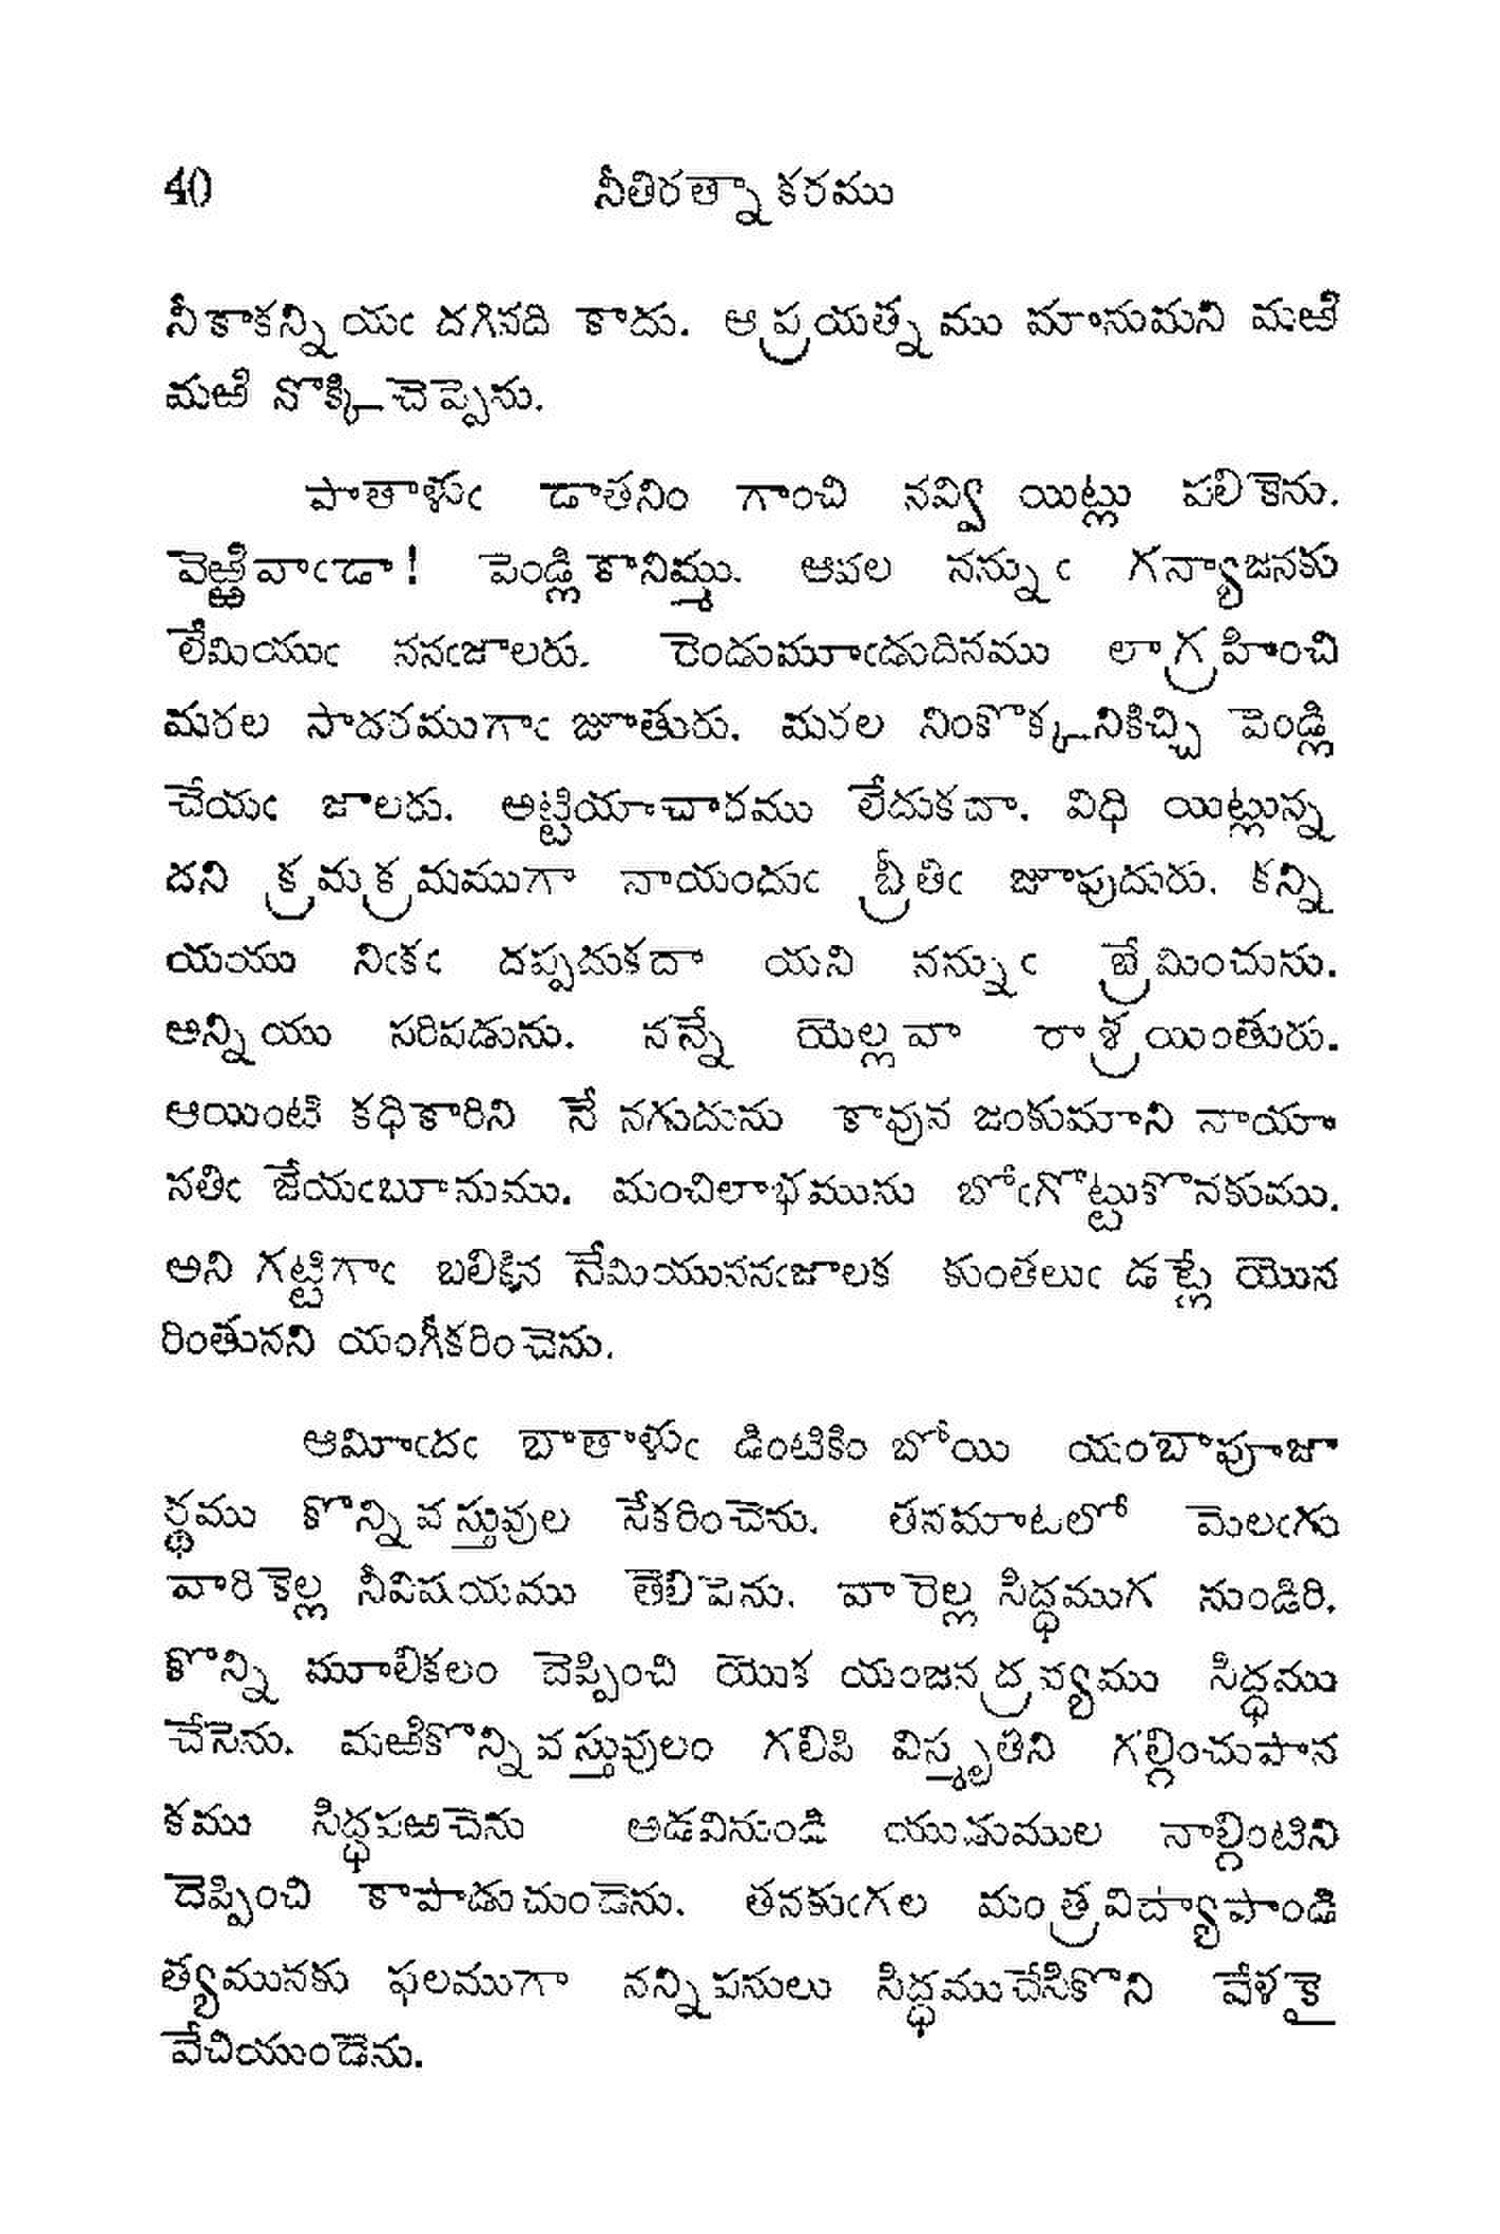నీ కాకన్నియఁ దగినది కాదు. ఆప్రయత్నము మానుమని మఱి మఱి నొక్కి చెప్పెను.

పాతాళుఁ డాతనిం గాంచి నవ్వి యిట్లు పలికెను. వెఱ్ఱివాఁడా! పెండ్లి కానిమ్ము. ఆవల నన్నుఁ గన్యాజనకు లేమియుఁ ననఁజాలరు. రెండుమూడుదినములా గ్రహించి మరల సాదరముగాఁ జూతురు. మనల నింకొక్కనికిచ్చి పెండ్లి చేయఁ జాలరు. అట్టియాచారము లేదుకదా. విధి యిట్లున్న దని క్రమక్రమముగా నాయందుఁ బ్రీతిఁ జూపుదురు, కన్నియయు నిఁకఁ దప్పదుకదా యని నన్నుఁ బ్రేమించును. అన్నియు సరిపడును. నన్నే యెల్లవా రాశ్రయింతురు. ఆయింటి కధికారిని నే నగుదును కావున జంకుమాని నాయా నతిఁ జేయఁబూనుము. మంచిలాభమును బోఁగొట్టుకొనకుము. అని గట్టిగా బలికిన నేమి యుననఁజాలక కుంతలుఁ డట్లే యొనరింతునని యంగీకరించెను.

ఆమీఁదఁ బాతాళుఁ డింటికిం బోయి యంబాపూజా ర్దము కొన్ని వస్తువుల సేకరించెను. తనమాటలో మెలఁగు వారి కెల్ల నీవిషయము తెలిపెను. వారెల్ల సిద్ధముగ నుండిరి, కొన్ని మూలికలం దెప్పించి యొక యంజన ద్రవ్యము సిద్ధము చేసెను. మఱికొన్ని వస్తువులం గలిపి విస్మృతిని గల్గించు పానకము సిద్దపఱచెను అడవినుండి యుడుముల నాల్గింటిని దెప్పించి కాపాడుచుండెను. తనకుఁగల మంత్ర విద్యాపాండి త్యమునకు ఫలముగా నన్ని పనులు సిద్ధము చేసికొని వేళకై వేచియుండెను.